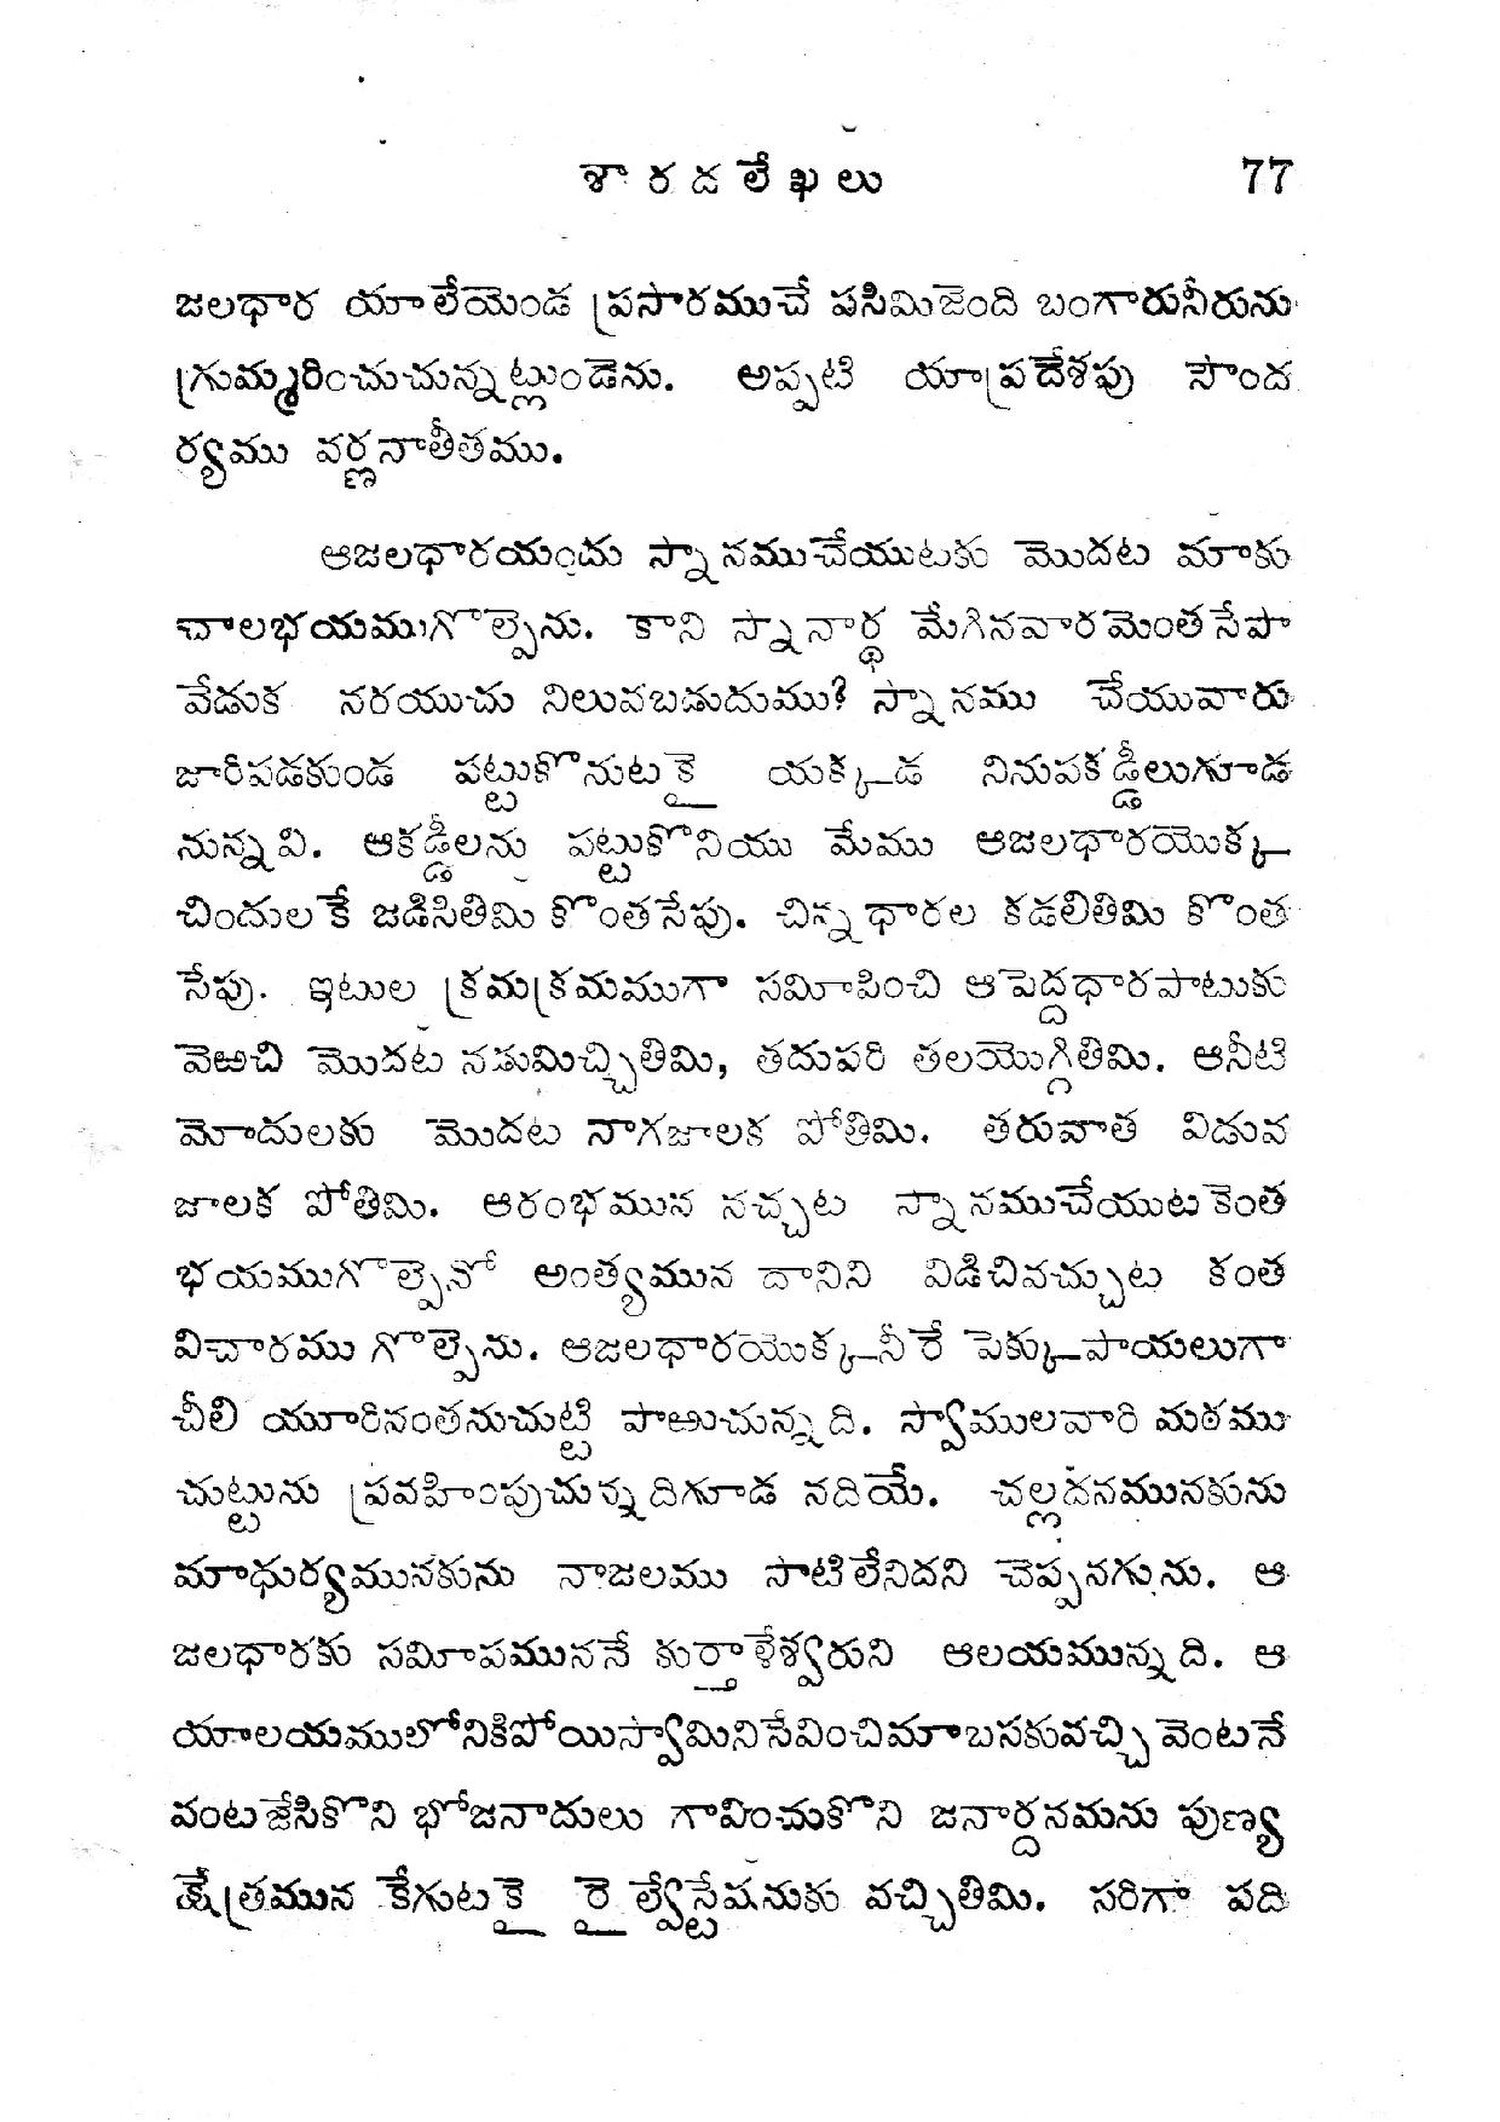జలధార యాలేయెండ ప్రసారముచే పసిమిజెంది బంగారునీరును గ్రుమ్మరించుచున్నట్లుండెను. అప్పటి యాప్రదేశపు సౌందర్యము వర్ణనాతీతము.

ఆజలధారయందు స్నానముచేయుటకు మొదట మాకు చాలభయముగొల్పెను. కాని స్నానార్థ మేగినవారమెంతసేపా వేడుక నరయుచు నిలువబడుదుము? స్నానము చేయువారు జారిపడకుండ పట్టుకొనుటకై యక్కడ నినుపకడ్డీలుగూడ నున్నవి. ఆకడ్డీలను పట్టుకొనియు మేము ఆజలధారయొక్క
చిందులకే జడిసితిమి కొంతసేపు. చిన్నధారల కడలితిమి కొంతసేపు. ఇటుల క్రమక్రమముగా సమీపించి ఆపెద్దధారపాటుకు వెఱచి మొదట నడుమిచ్చితిమి, తదుపరి తలయొగ్గితిమి. ఆనీటి మోదులకు మొదట నాగజాలక పోతిమి. తరువాత విడువజాలక పోతిమి. ఆరంభమున నచ్చట స్నానముచేయుటకెంత
భయముగొల్పెనో అంత్యమున దానిని విడిచివచ్చుట కంత విచారము గొల్పెను. ఆజలధారయొక్కనీరే పెక్కు పాయలుగా చీలి యూరినంతను చుట్టి పాఱుచున్నది. స్వాములవారి మఠము చుట్టును ప్రవహింపుచున్నదిగూడ నదియే. చల్లదనమునకును మాధుర్యమునకును నాజలము సాటిలేనిదని చెప్పనగును. ఆ జలధారకు సమీపముననే కుర్తాళేశ్వరుని ఆలయమున్నది. ఆ యాలయములోనికిపోయి స్వామినిసేవించి మాబసకువచ్చి వెంటనే వంటజేసికొని భోజనాదులు గావించుకొని జనార్దనమను పుణ్య
క్షేత్రమున కేగుటకై రైల్వేస్టేషనుకు వచ్చితిమి. సరిగా పది